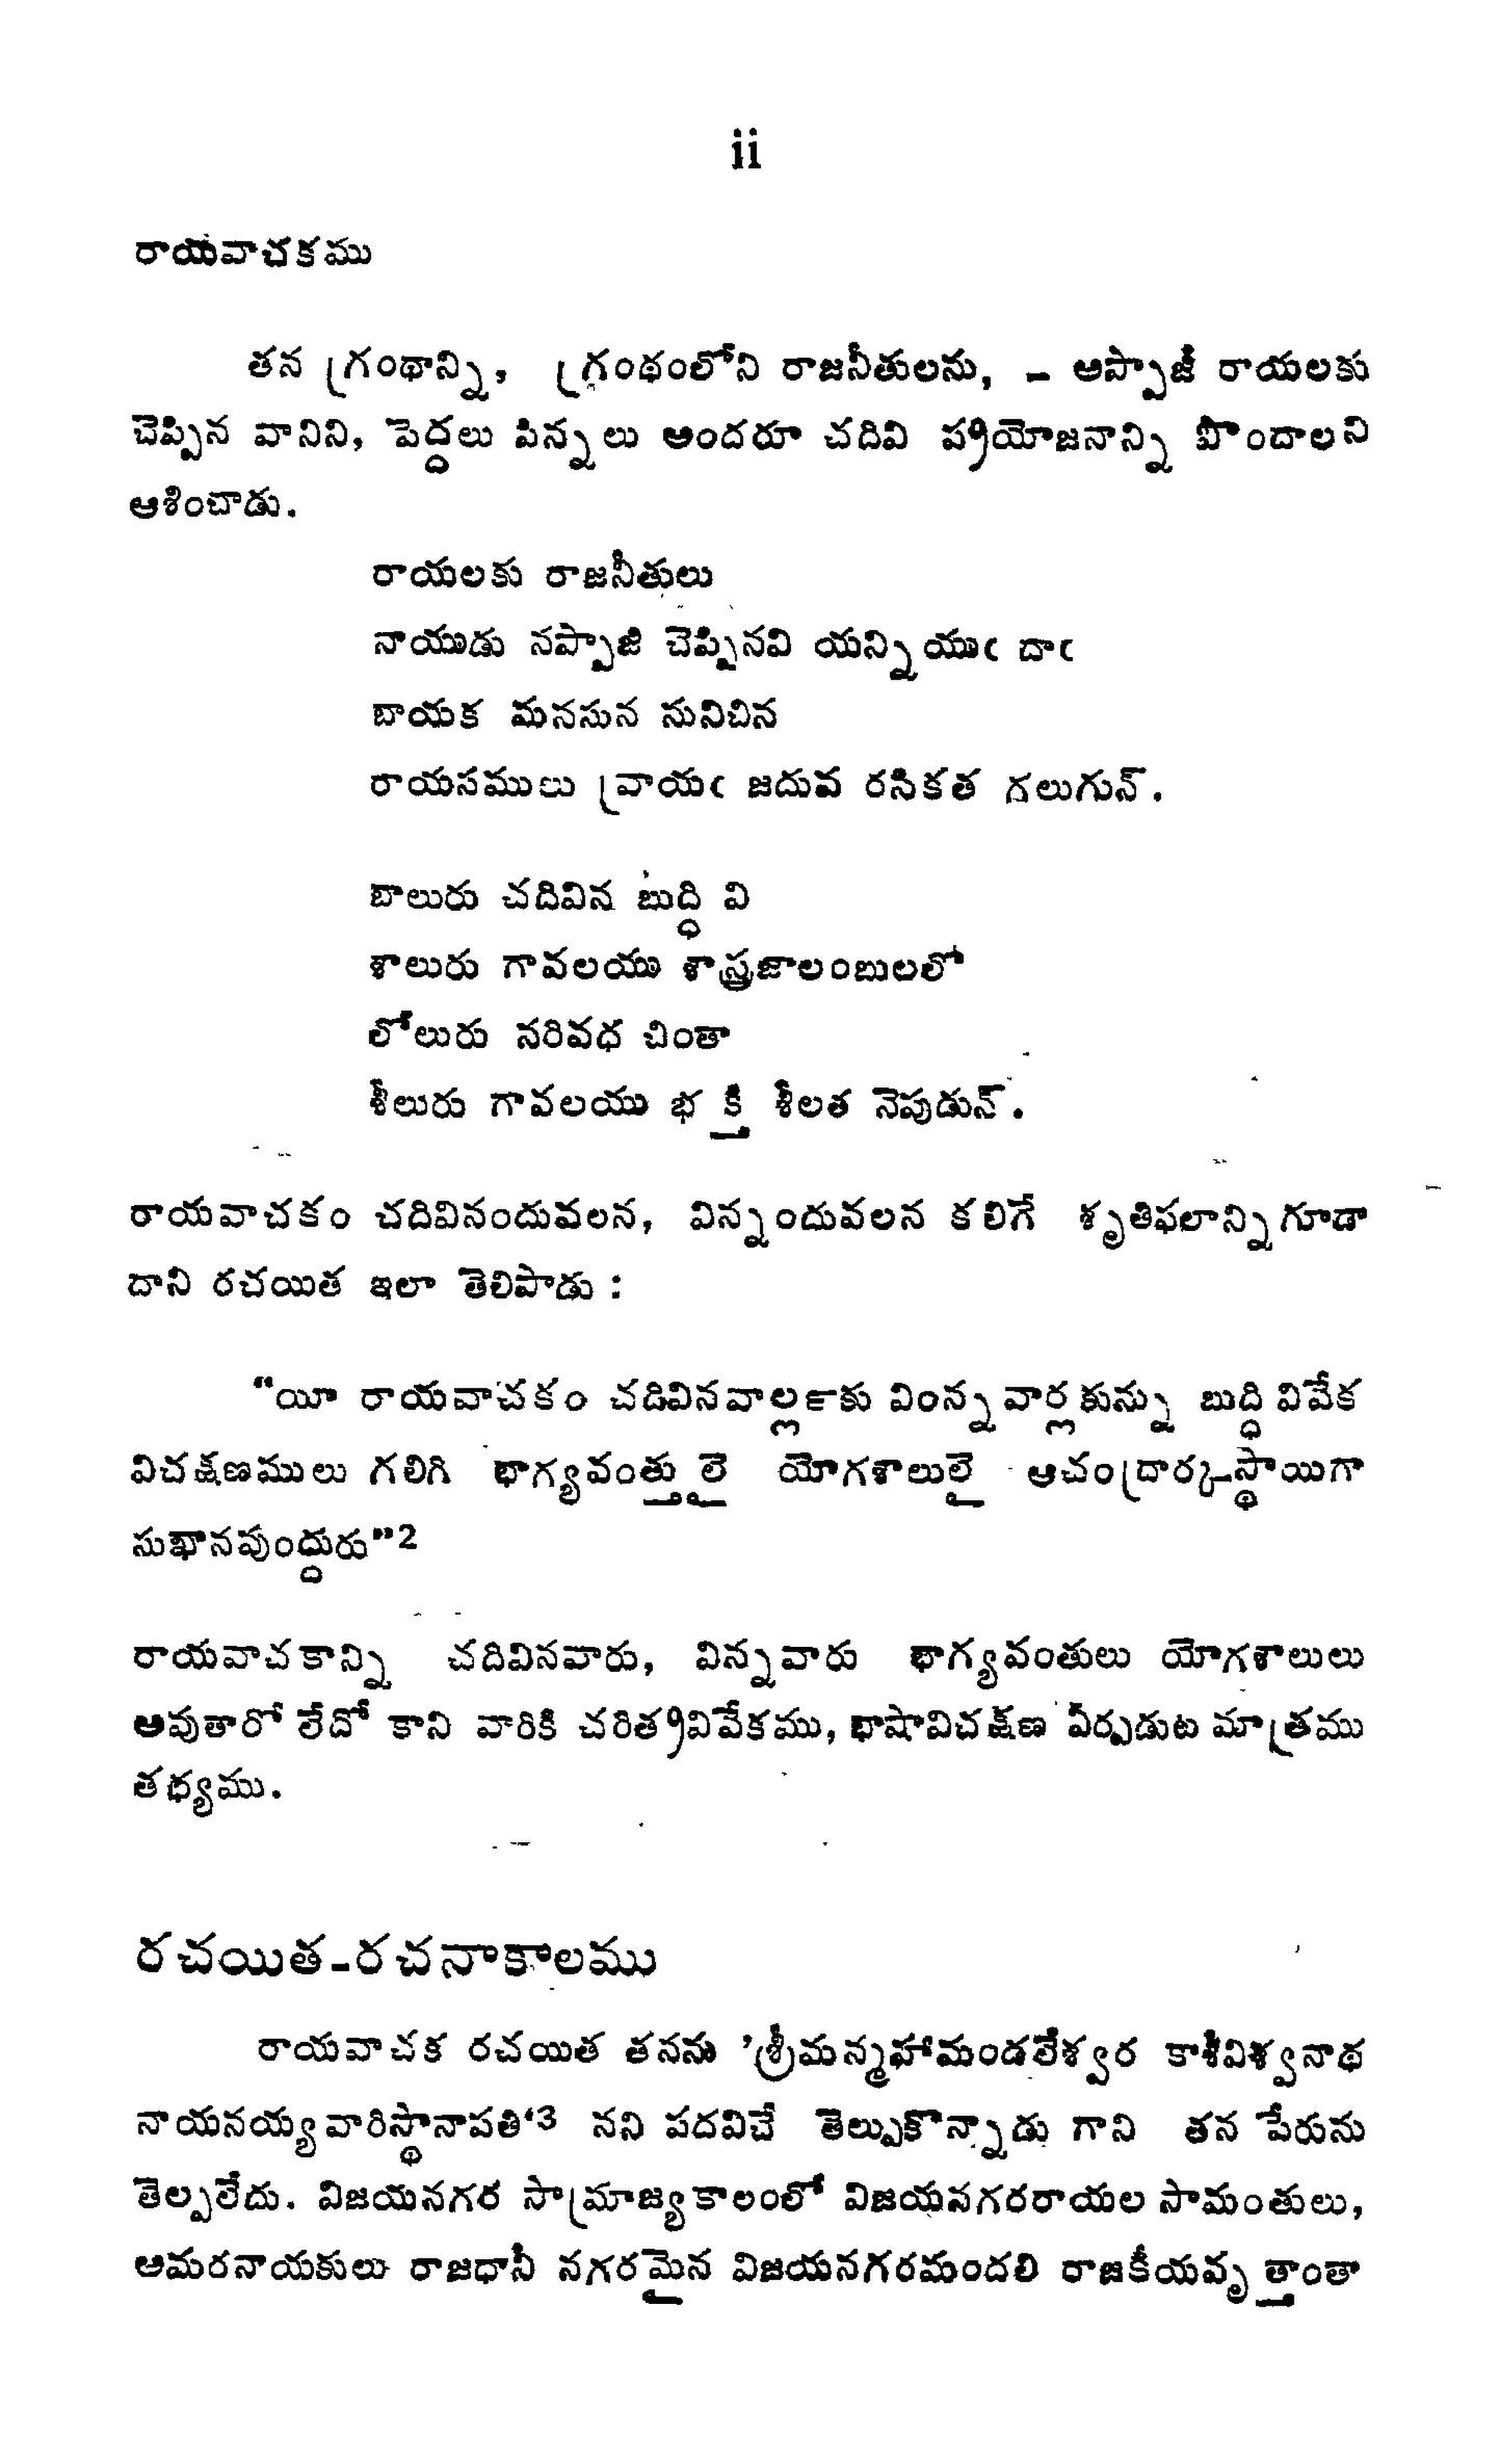తనగ్రంథాన్ని, గ్రంథంలోని రాజనీతులను, - అప్పాజీ రాయలకు చెప్పిన వానిని, పెద్దలు పిన్నలు అందరూ చదివి ప్రయోజనాన్ని పొందాలని ఆశించాడు.

రాయవాచకం చదివినందువలన, విన్నందువలన కలిగే శృతిఫలాన్ని గూడా దాని రచయిత ఇలా తెలిపాడు :

"యీ రాయవాచకం చదివినవార్ల్లకు వింన్నవార్లకున్ను బుద్ధివివేకవిచక్షణములు గలిగి భాగ్యవంత్తులై యోగశాలులై ఆచంద్రార్కస్థాయిగా సుఖానవుంద్దురు"

రాయవాచకాన్ని చదివినవారు, విన్నవారు భాగ్యవంతులు యోగశాలులు అవుతారో లేదో కాని వారికి చరిత్రవివేకము, భాషావిచక్షణ ఏర్పడుట మాత్రము తథ్యము.
రచయిత — రచనాకాలము
రాయవాచక రచయిత తనను 'శ్రీమన్మహామండలేశ్వర కాశీవిశ్వనాథ నాయనయ్యవారి స్థానాపతి నని పదవిచే తెల్పుకొన్నాడు గాని తనపేరును తెల్పలేదు. విజయనగరసామ్రాజ్యకాలంలో విజయనగరరాయల సామంతులు, అమరనాయకులు రాజధానీనగరమైన విజయనగరమందలి రాజకీయవృత్తాంతా